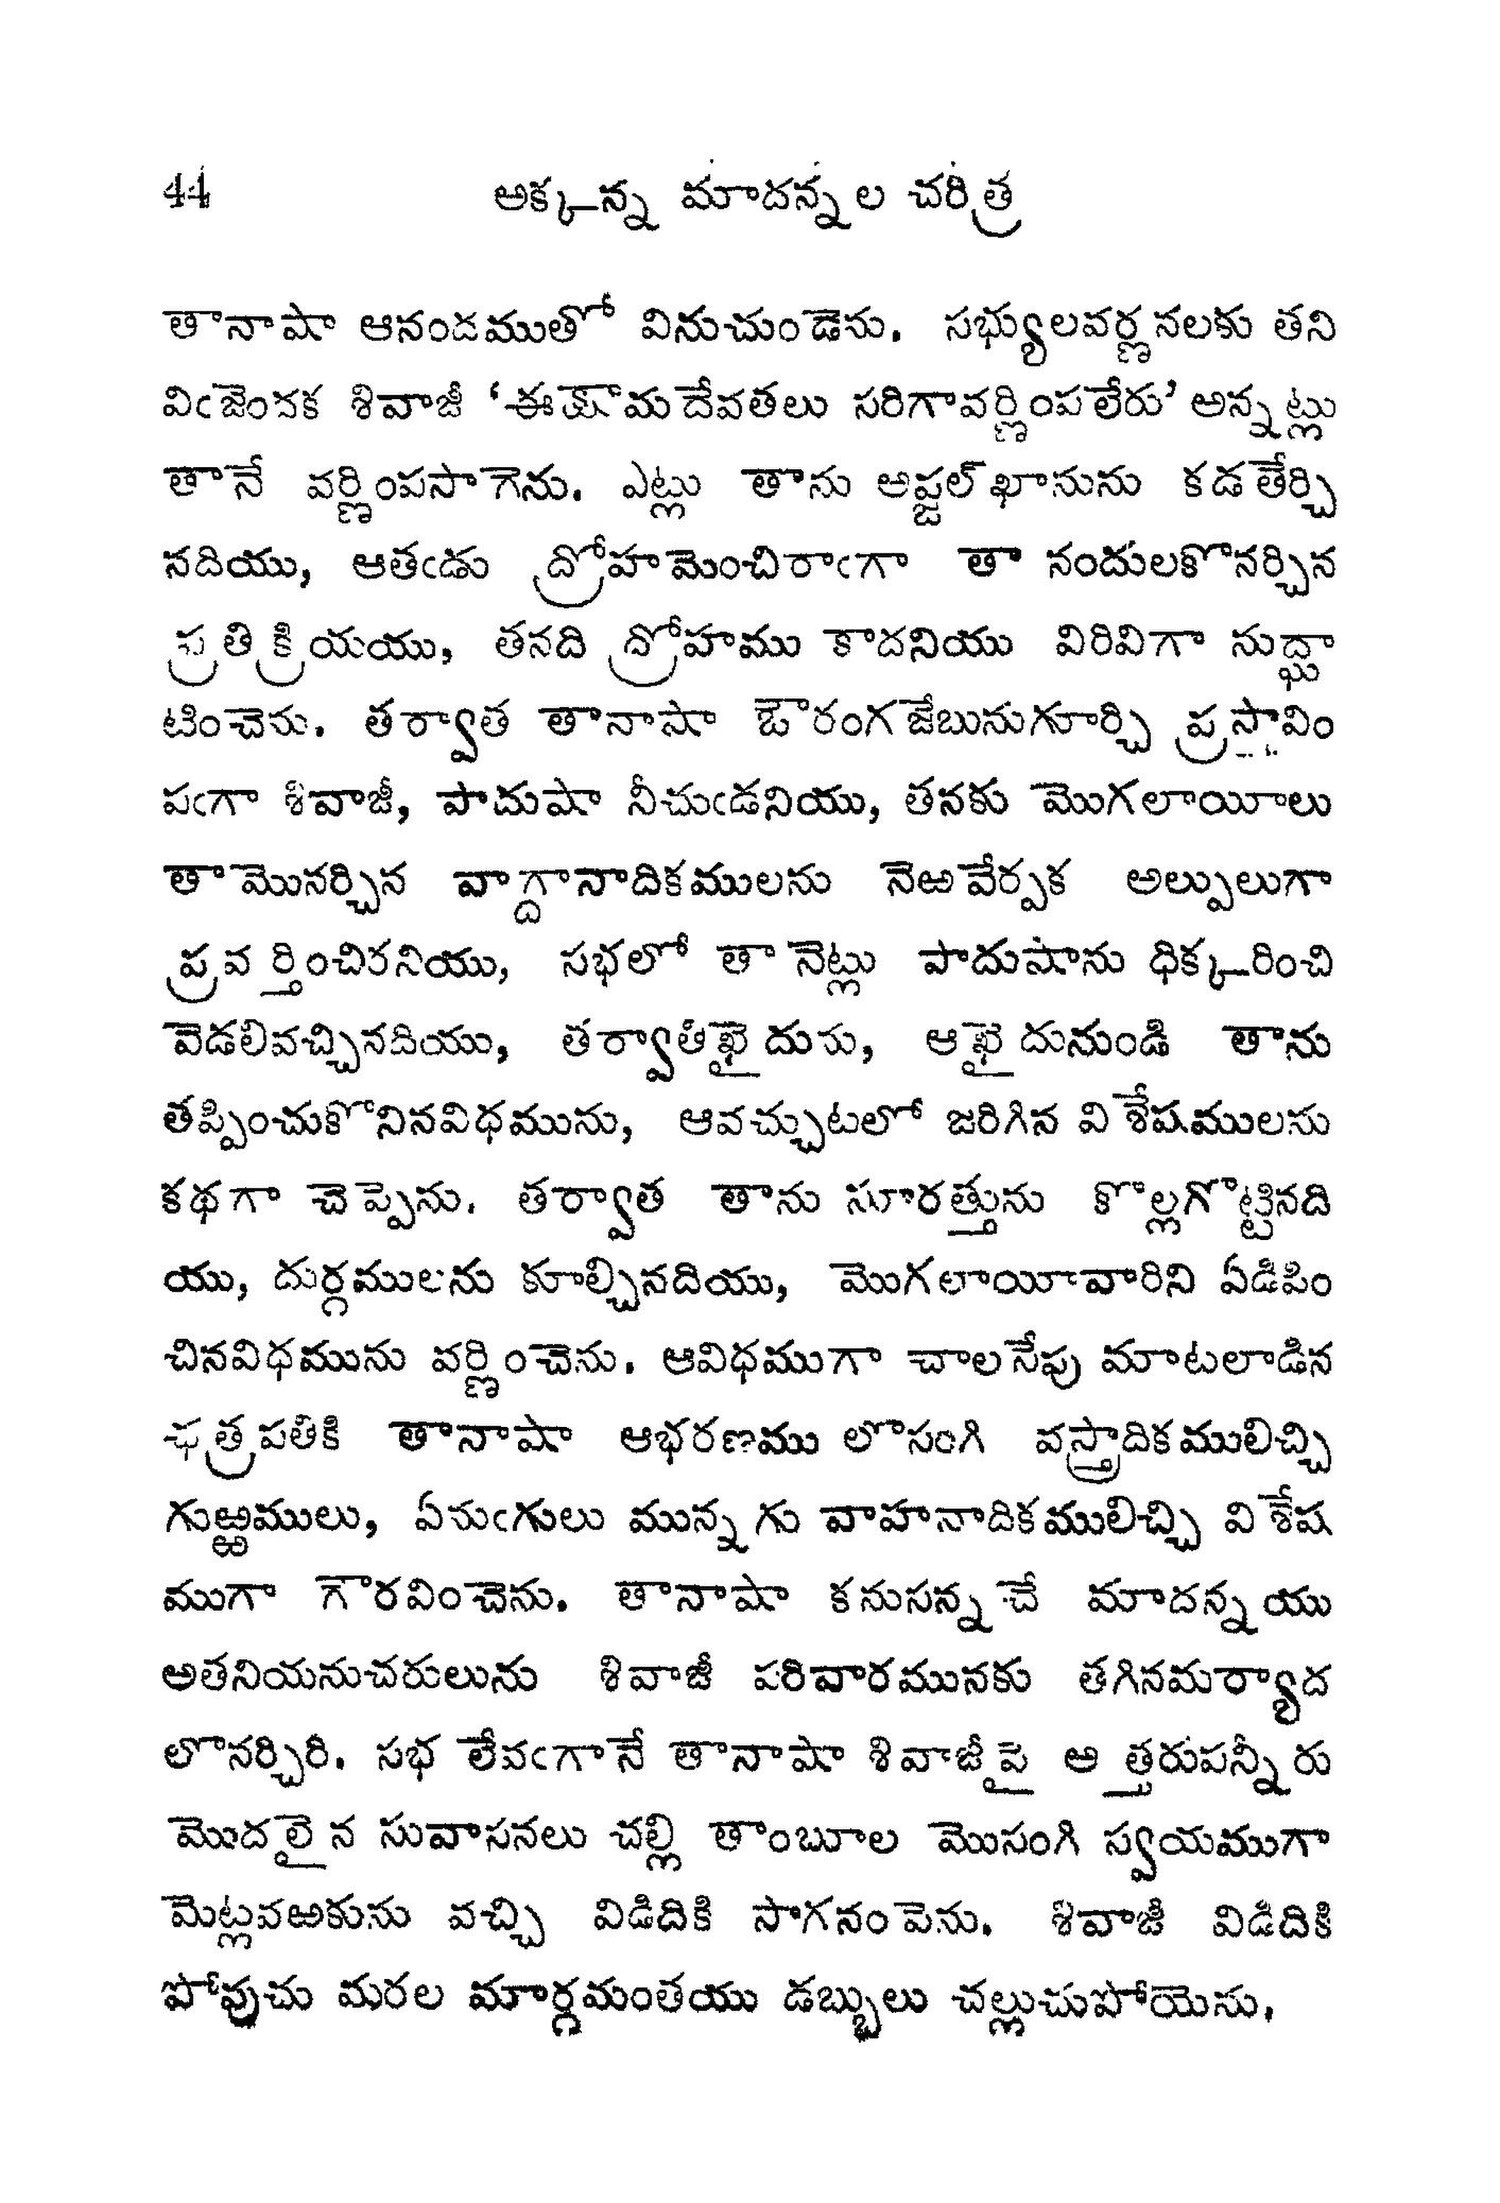తానాషా ఆనందముతో వినుచుండెను. సభ్యులవర్ణనలకు తనివిఁజెందక శివాజీ ‘ఈక్షామదేవతలు సరిగావర్ణింపలేరు’ అన్నట్లు తానే వర్ణింపసాగెను. ఎట్లు తాను అఫ్జల్‌ఖానును కడతేర్చినదియు, ఆతఁడు ద్రోహమెంచిరాఁగా తా నందులకొనర్చిన ప్రతిక్రియయు, తనది ద్రోహము కాదనియు విరివిగా నుద్ఘాటించెను. తర్వాత తానాషా ఔరంగజేబునుగూర్చి ప్రస్తావింపఁగా శివాజీ, పాదుషా నీచుఁడనియు, తనకు మొగలాయీలు తామొనర్చిన వాగ్దానాదికములను నెఱవేర్పక అల్పులుగా ప్రవర్తించిరనియు, సభలో తా నెట్లు పాదుషాను ధిక్కరించి వెడలివచ్చినదియు, తర్వాతిఖైదును, ఆఖైదునుండి తాను తప్పించుకొనినవిధమును, ఆవచ్చుటలో జరిగిన విశేషములను కథగా చెప్పెను. తర్వాత తాను సూరత్తును కొల్లగొట్టినదియు, దుర్గములను కూల్చినదియు, మొగలాయీవారిని ఏడిపించినవిధమును వర్ణించెను. ఆవిధముగా చాలసేపు మాటలాడిన ఛత్రపతికి తానాషా ఆభరణము లొసంగి వస్త్రాదికములిచ్చి గుఱ్ఱములు, ఏనుఁగులు మున్నగు వాహనాదికములిచ్చి విశేషముగా గౌరవించెను. తానాషా కనుసన్నచే మాదన్నయు అతనియనుచరులును శివాజీ పరివారమునకు తగినమర్యాద లొనర్చిరి. సభ లేవఁగానే తానాషా శివాజీపై అత్తరుపన్నీరు మొదలైన సువాసనలు చల్లి తాంబూల మొసంగి స్వయముగా మెట్లవఱకును వచ్చి విడిదికి సాగనంపెను. శివాజీ విడిదికి పోవుచు మరల మార్గమంతయు డబ్బులు చల్లుచుపోయెను.